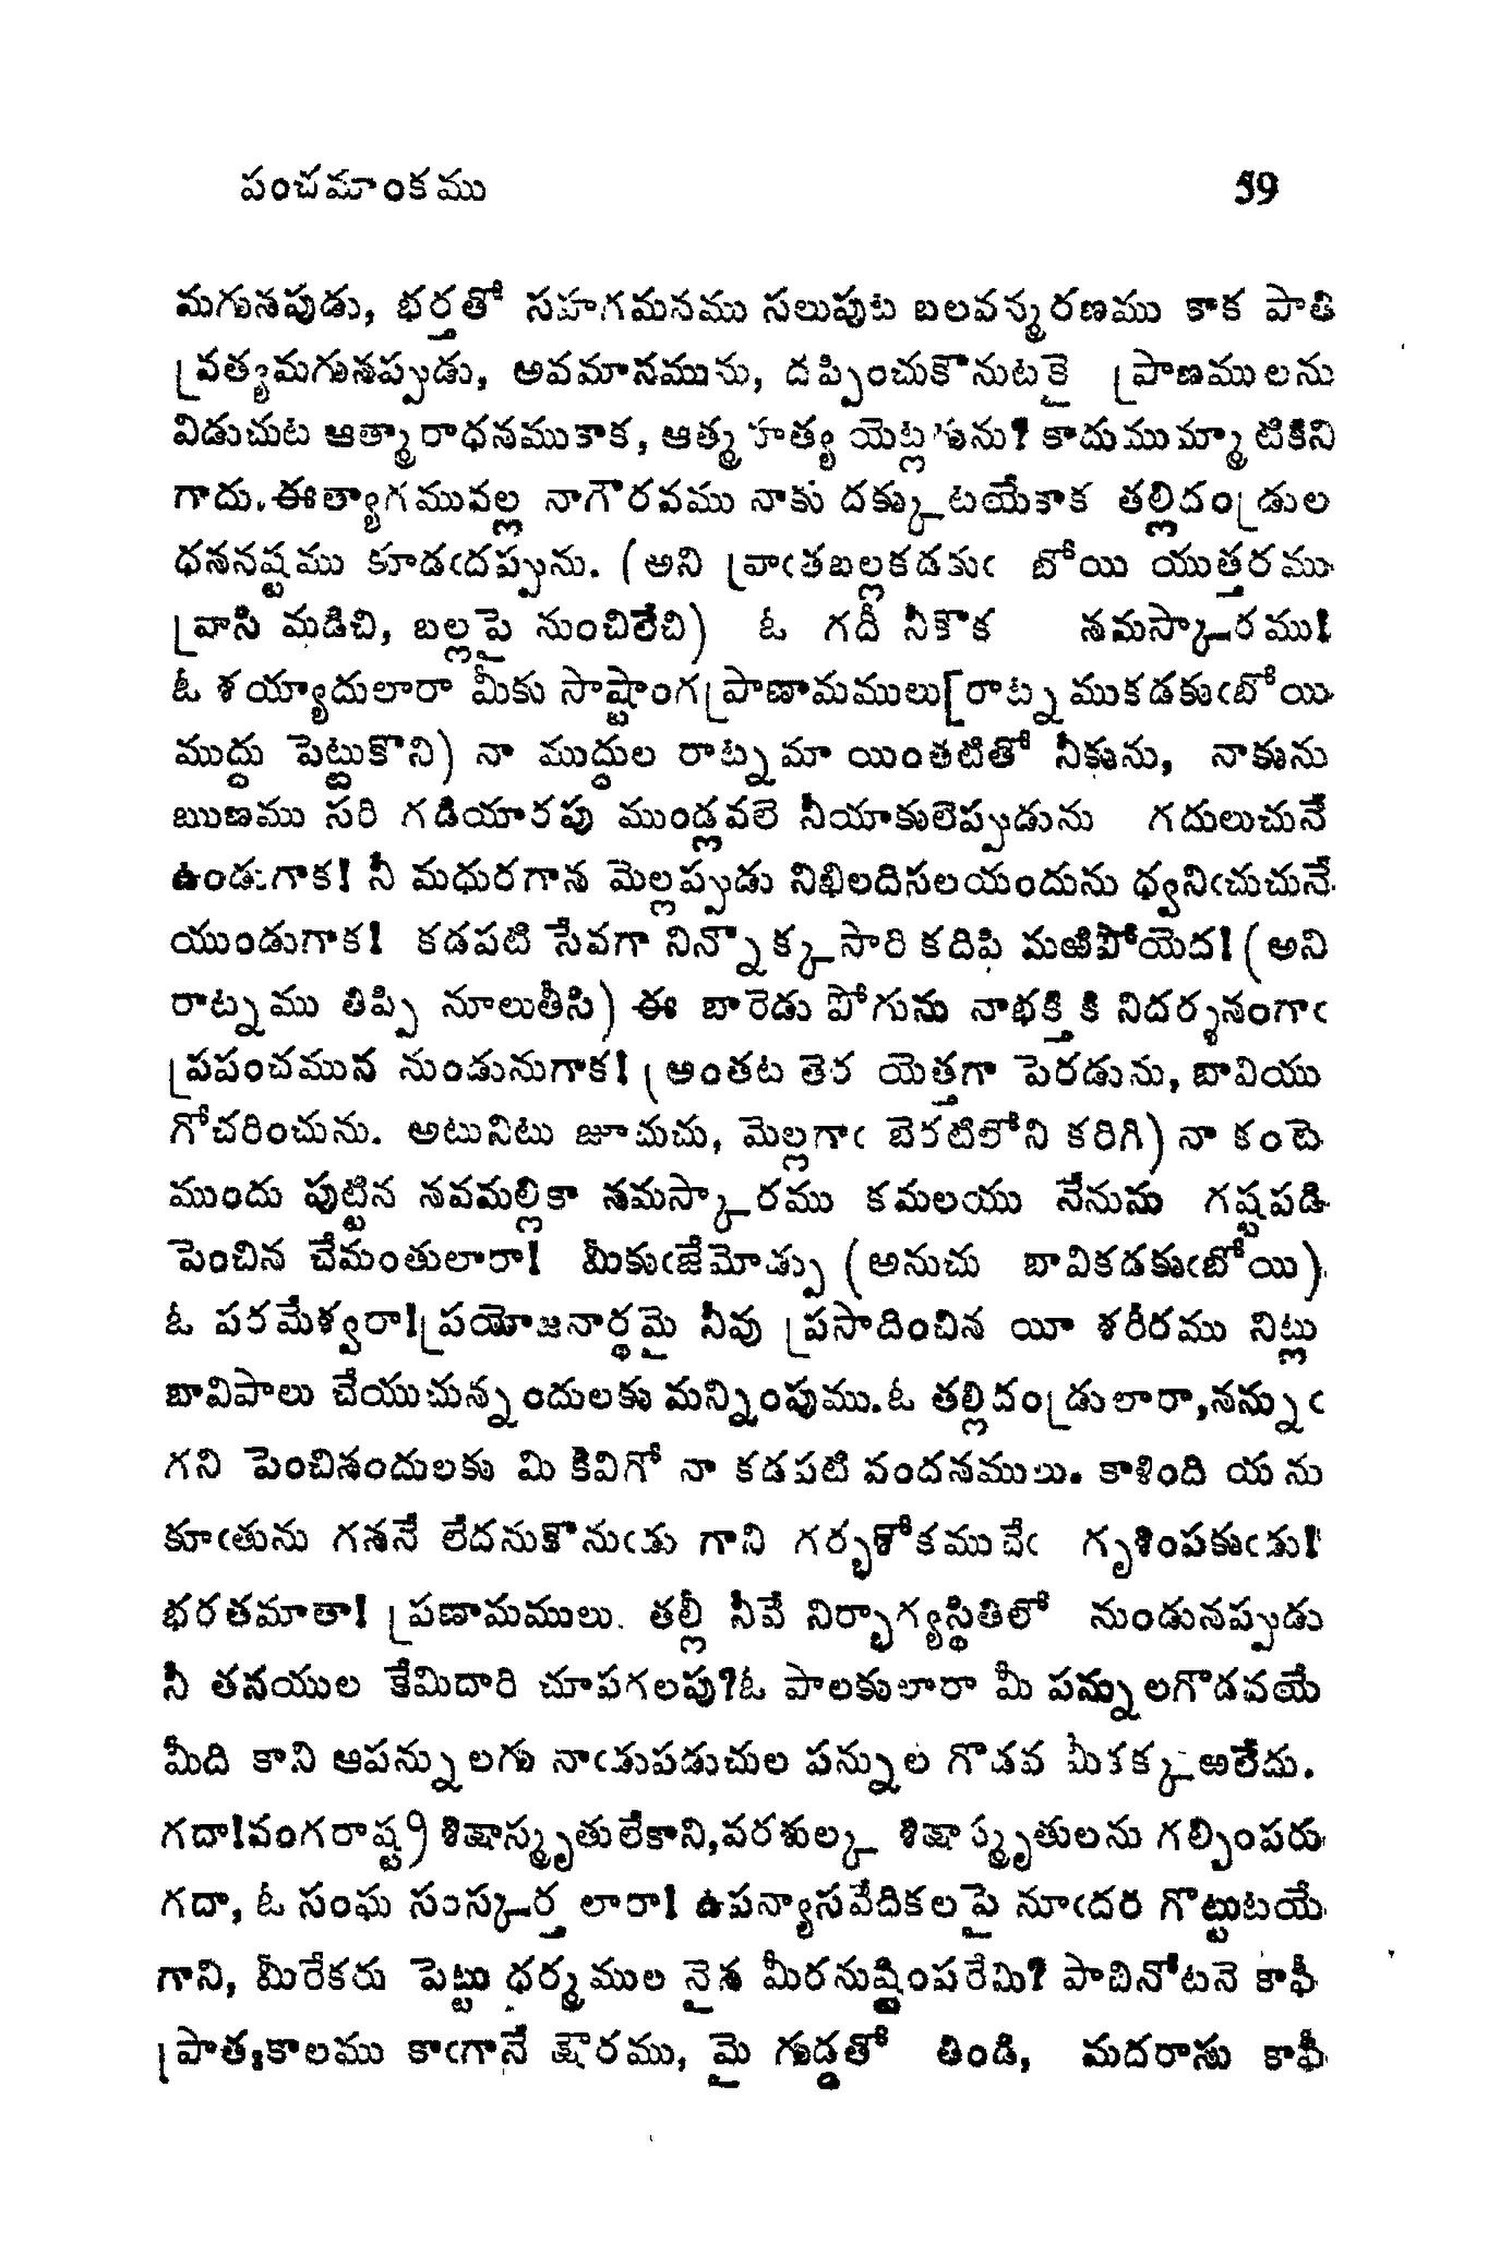మగునపుడు, భర్తతో సహగమనము సలుపుట బలవన్మరణము కాక, పాతివ్రత్యమగునప్పుడు, అవమానమును, దప్పించుకొనుటకై ప్రాణములను విడుచుట ఆత్మారాధనముకాక ఆత్మహత్య యెట్లగును? కాదు ముమ్మాటికిని గాదు. ఈ త్యాగమువల్ల నాగౌరవము నాకు దక్కుటయెకాక తల్లిదండ్రుల ధననష్టము కూడఁదప్పును. (అని వ్రాఁతబల్లకడకుఁ బోయి యుత్తరము వ్రాసి మడిచి, బల్లపై నుంచి, లేచి) ఓ గదీ! నీకొక నమస్కారము! ఓ శయ్యాదులారా, మీకు సాష్టాంగ ప్రణామములు. (రాట్నముకడకుఁబోయి, ముద్దు పెట్టుకొని) నా ముద్దుల రాట్నమా! యింతటితో నీకును నాకును ఋణము సరి. గడియారపు ముండ్లవలె నీయాకులెప్పుడును గదులుచునే ఉండుగాక! నీ మధురగాన మెల్లప్పుడు నిఖిలదిసలయందును ధ్వనిఁచుచునే యుండుగాక! కడపటి సేవగా నిన్నొకసారి కదిపి మఱిపోయెద! (అని రాట్నము తిప్పి నూలుతీసి) ఈ బారెడు పోగును నాభక్తికి నిదర్శనంగాఁ ప్రపంచమున నుండుఁగాక! (అంతట తెర యెత్తగా పెరడును, బావియు గోచరించును.) అటునిటు జూచుచు, మెల్లగాఁ బెరటిలోని కరిగి) నాకంటె ముందు పుట్టిన నవమల్లికా! నమస్కారము. కమలయు నేనును గష్టపడి పెంచిన చేమంతులారా! మీకుఁజేమోడ్పు. (అనుచు బావికడకుఁబోయి) ఓ పరమేశ్వరా! ప్రయోజనార్థమై నీవు ప్రసాదించిన యీశరీరము నిట్లు బావిపాలు చేయుచున్నందులకు మన్నింపుము. ఓ తలిదండ్రులారా, నన్నుఁ గని పెంచినందులకు మీ కివిగో నా కడపటి వందనములు. కాళింది యను కూఁతును గననే లేదనుకొనుఁడు గాని, గర్భశోకముచేఁ గృశింపకుఁడు! భరతమాతా, ప్రణామములు. తల్లీ, నీవే నిర్భాగ్యస్థితిలో నుండునప్పుడు నీ తనయల కేమిదారి చూపగలవు? ఓ పాలకులారా మీ పన్నులగొడవయే మీది కాని, ఆపన్నులగు నాఁడుఁపడుచుల పన్నుల గొడవ మీకక్కఱలేదు. గదా! వంగరాష్ట్ర శిక్షాస్మృతులేకాని, వరశుల్క శిక్షాస్మృతులను గల్పింపరు గదా, ఓ సంఘ సంస్కర్తలారా! ఉపన్యాసవేదికలపై నూఁదర గొట్టుటయే గాని, మీరేకరు పెట్టు ధర్మములనైన మీరనుష్ఠింపరేమి? పాచినోటనె కాఫీ, ప్రాతఃకాలము కాఁగానే క్షౌరము, మై గుడ్డతో తిండి, మదరాసు కాఫీ